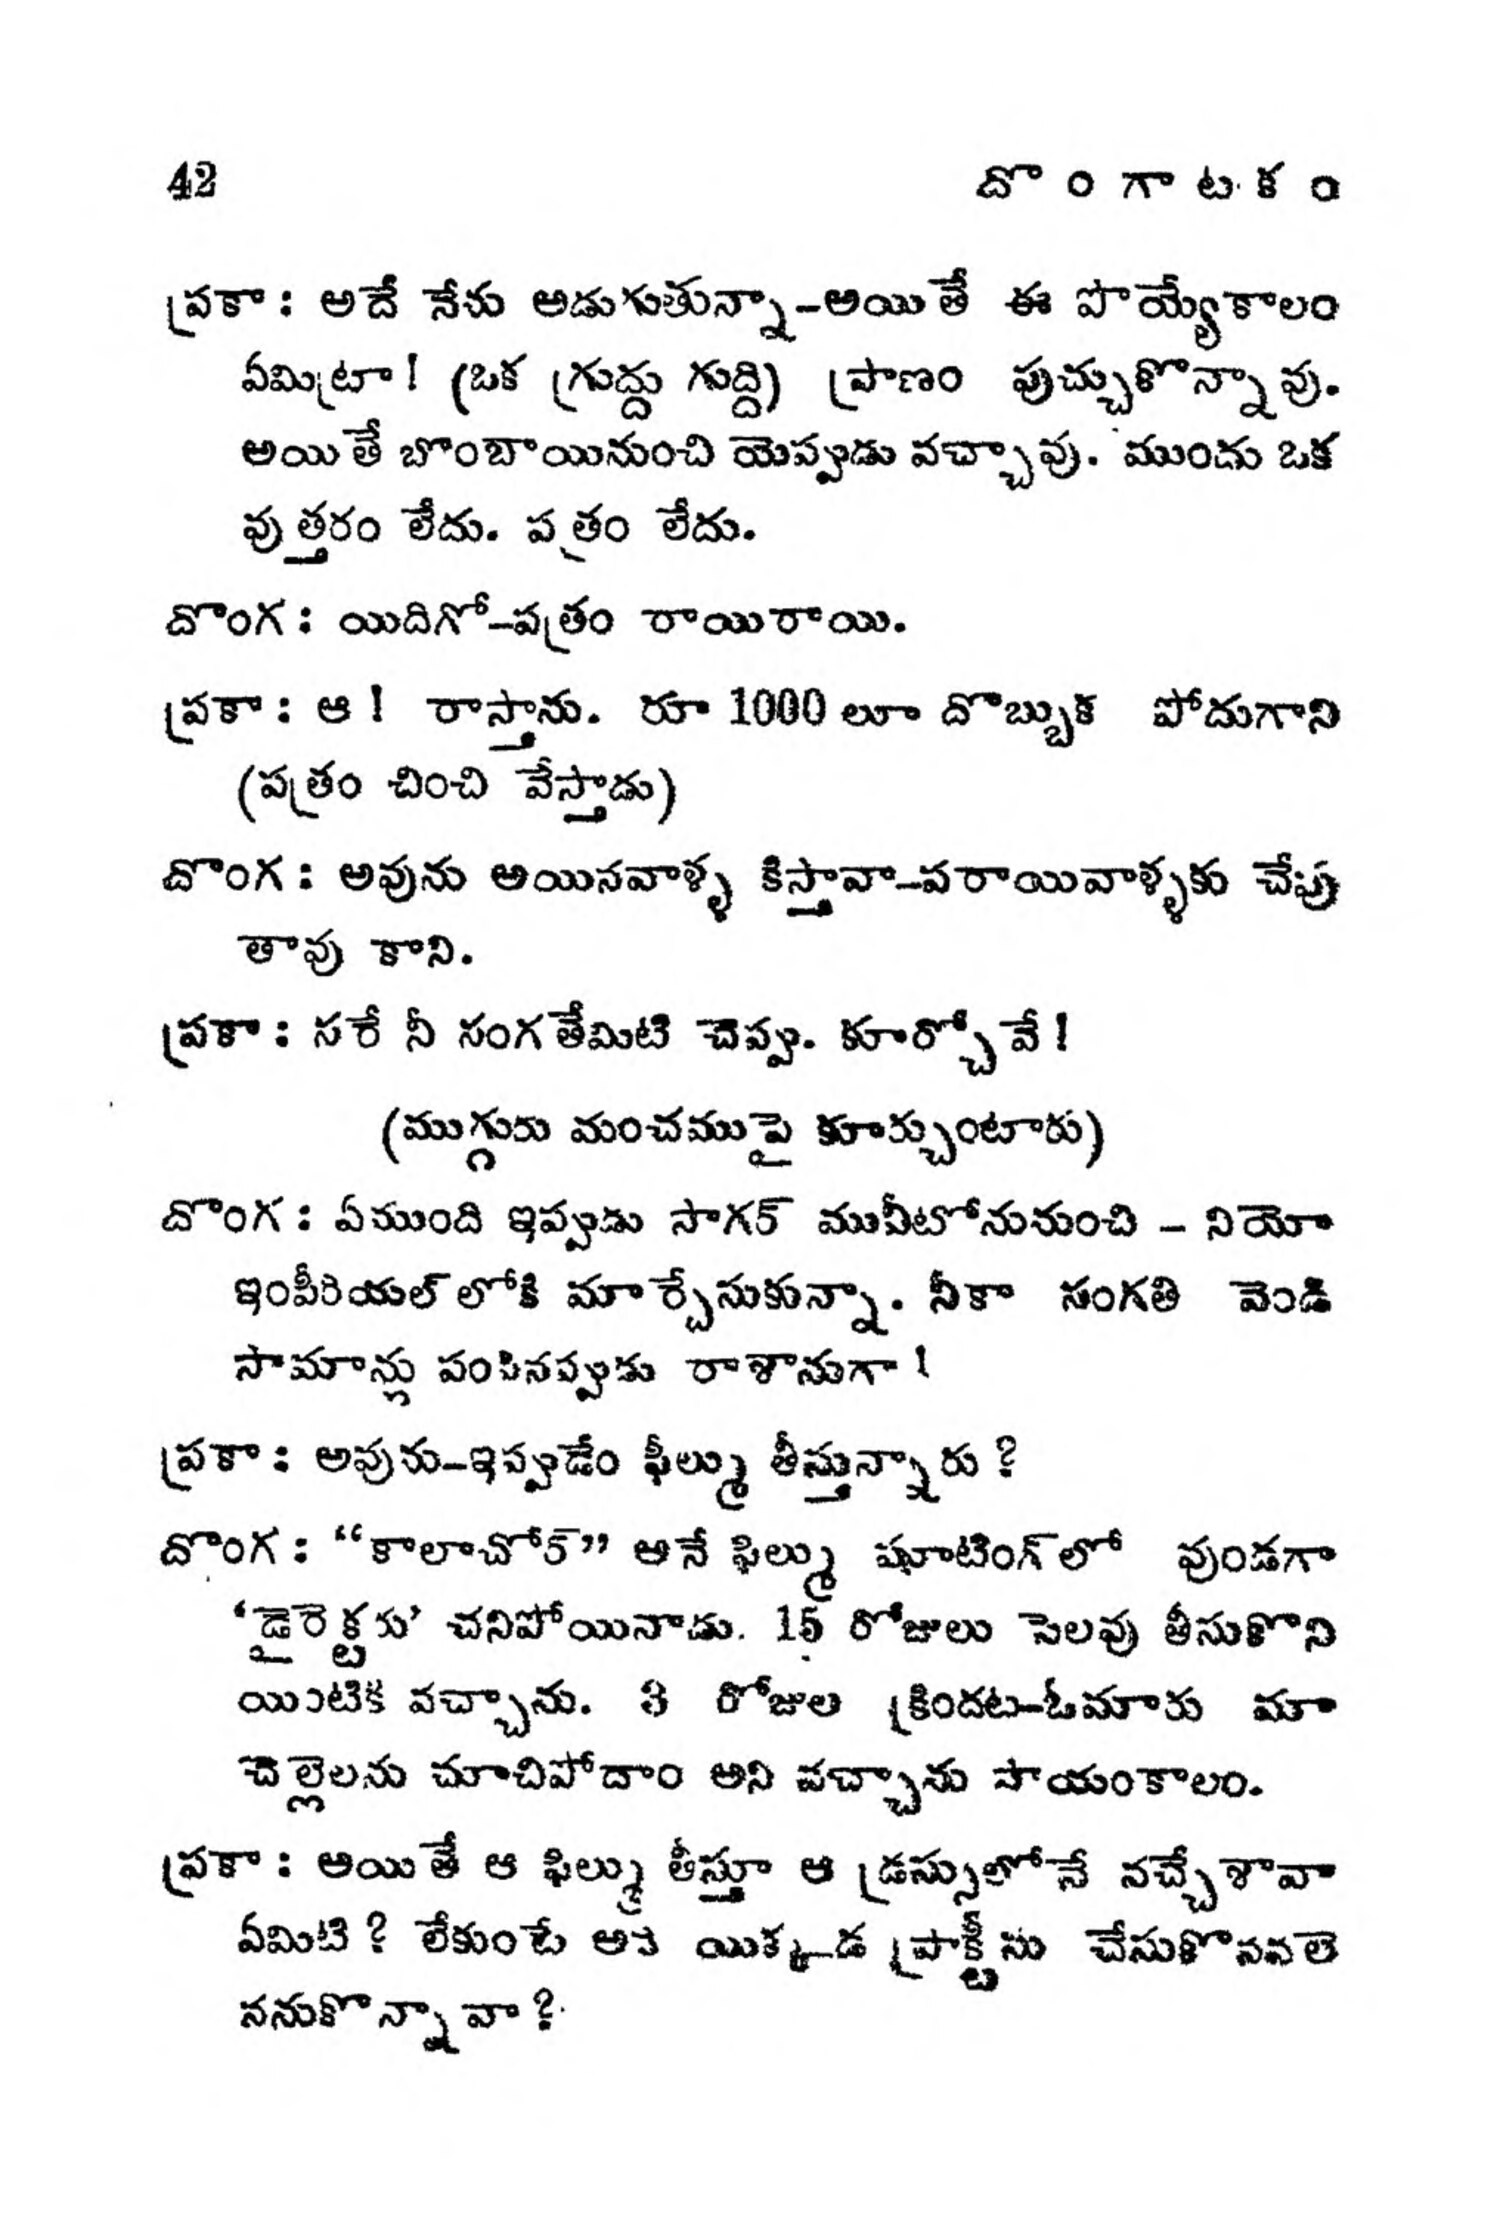ప్రకా : అదే నేను అడుగుతున్నా - అయితే ఈ పొయ్యేకాలం ఏమిట్రా! (ఒక గ్రుద్దు గుద్ది) ప్రాణం పుచ్చుకొన్నావు.
అయితే బొంబాయినుంచి యెప్పుడు వచ్చావు. ముందు ఒక వుత్తరం లేదు. పత్రం లేదు.

దొంగ : యిదిగో-పత్రం రాయిరాయి.

ప్రకా : ఆ ! రాస్తాను. రూ 1000 లూ దొబ్బుక పోదుగాని (పత్రం చించి వేస్తాడు)

దొంగ : అవును అయినవాళ్ళ కిస్తావా - పరాయివాళ్ళకు చేపుతావు కాని.

ప్రకా : సరే నీ సంగతేమిటి చెప్పు. కూర్చోవే !

దొంగ : ఏముంది ఇప్పుడు సాగర్ మువీటోనునుంచి - నియో ఇంపీరియల్ లోకి మార్చేసుకున్నా. నీకా సంగతి వెండి
సామాన్లు పంపినప్పుడు రాశానుగా!

ప్రకా : అవును- ఇప్పుడేం ఫీల్ము తీస్తున్నారు ?

దొంగ : “కాలాచోర్ ” అనే ఫిల్ము షూటింగ్‌లో వుండగా 'డైరెక్టరు' చనిపోయినాడు. 15 రోజులు సెలవు తీసుకొని యింటికి వచ్చాను. 3 రోజుల క్రిందట-ఓమారు మా చెల్లెలను చూచిపోదాం అని వచ్చాను సాయంకాలం.

ప్రకా : అయితే ఆ ఫిల్ము తీస్తూ ఆ డ్రస్సులోనే వచ్చేశావా ఏమిటి? లేకుంటే అది యిక్కడ ప్రాక్టీసు చేసుకొనవలె
ననుకొన్నావా?.